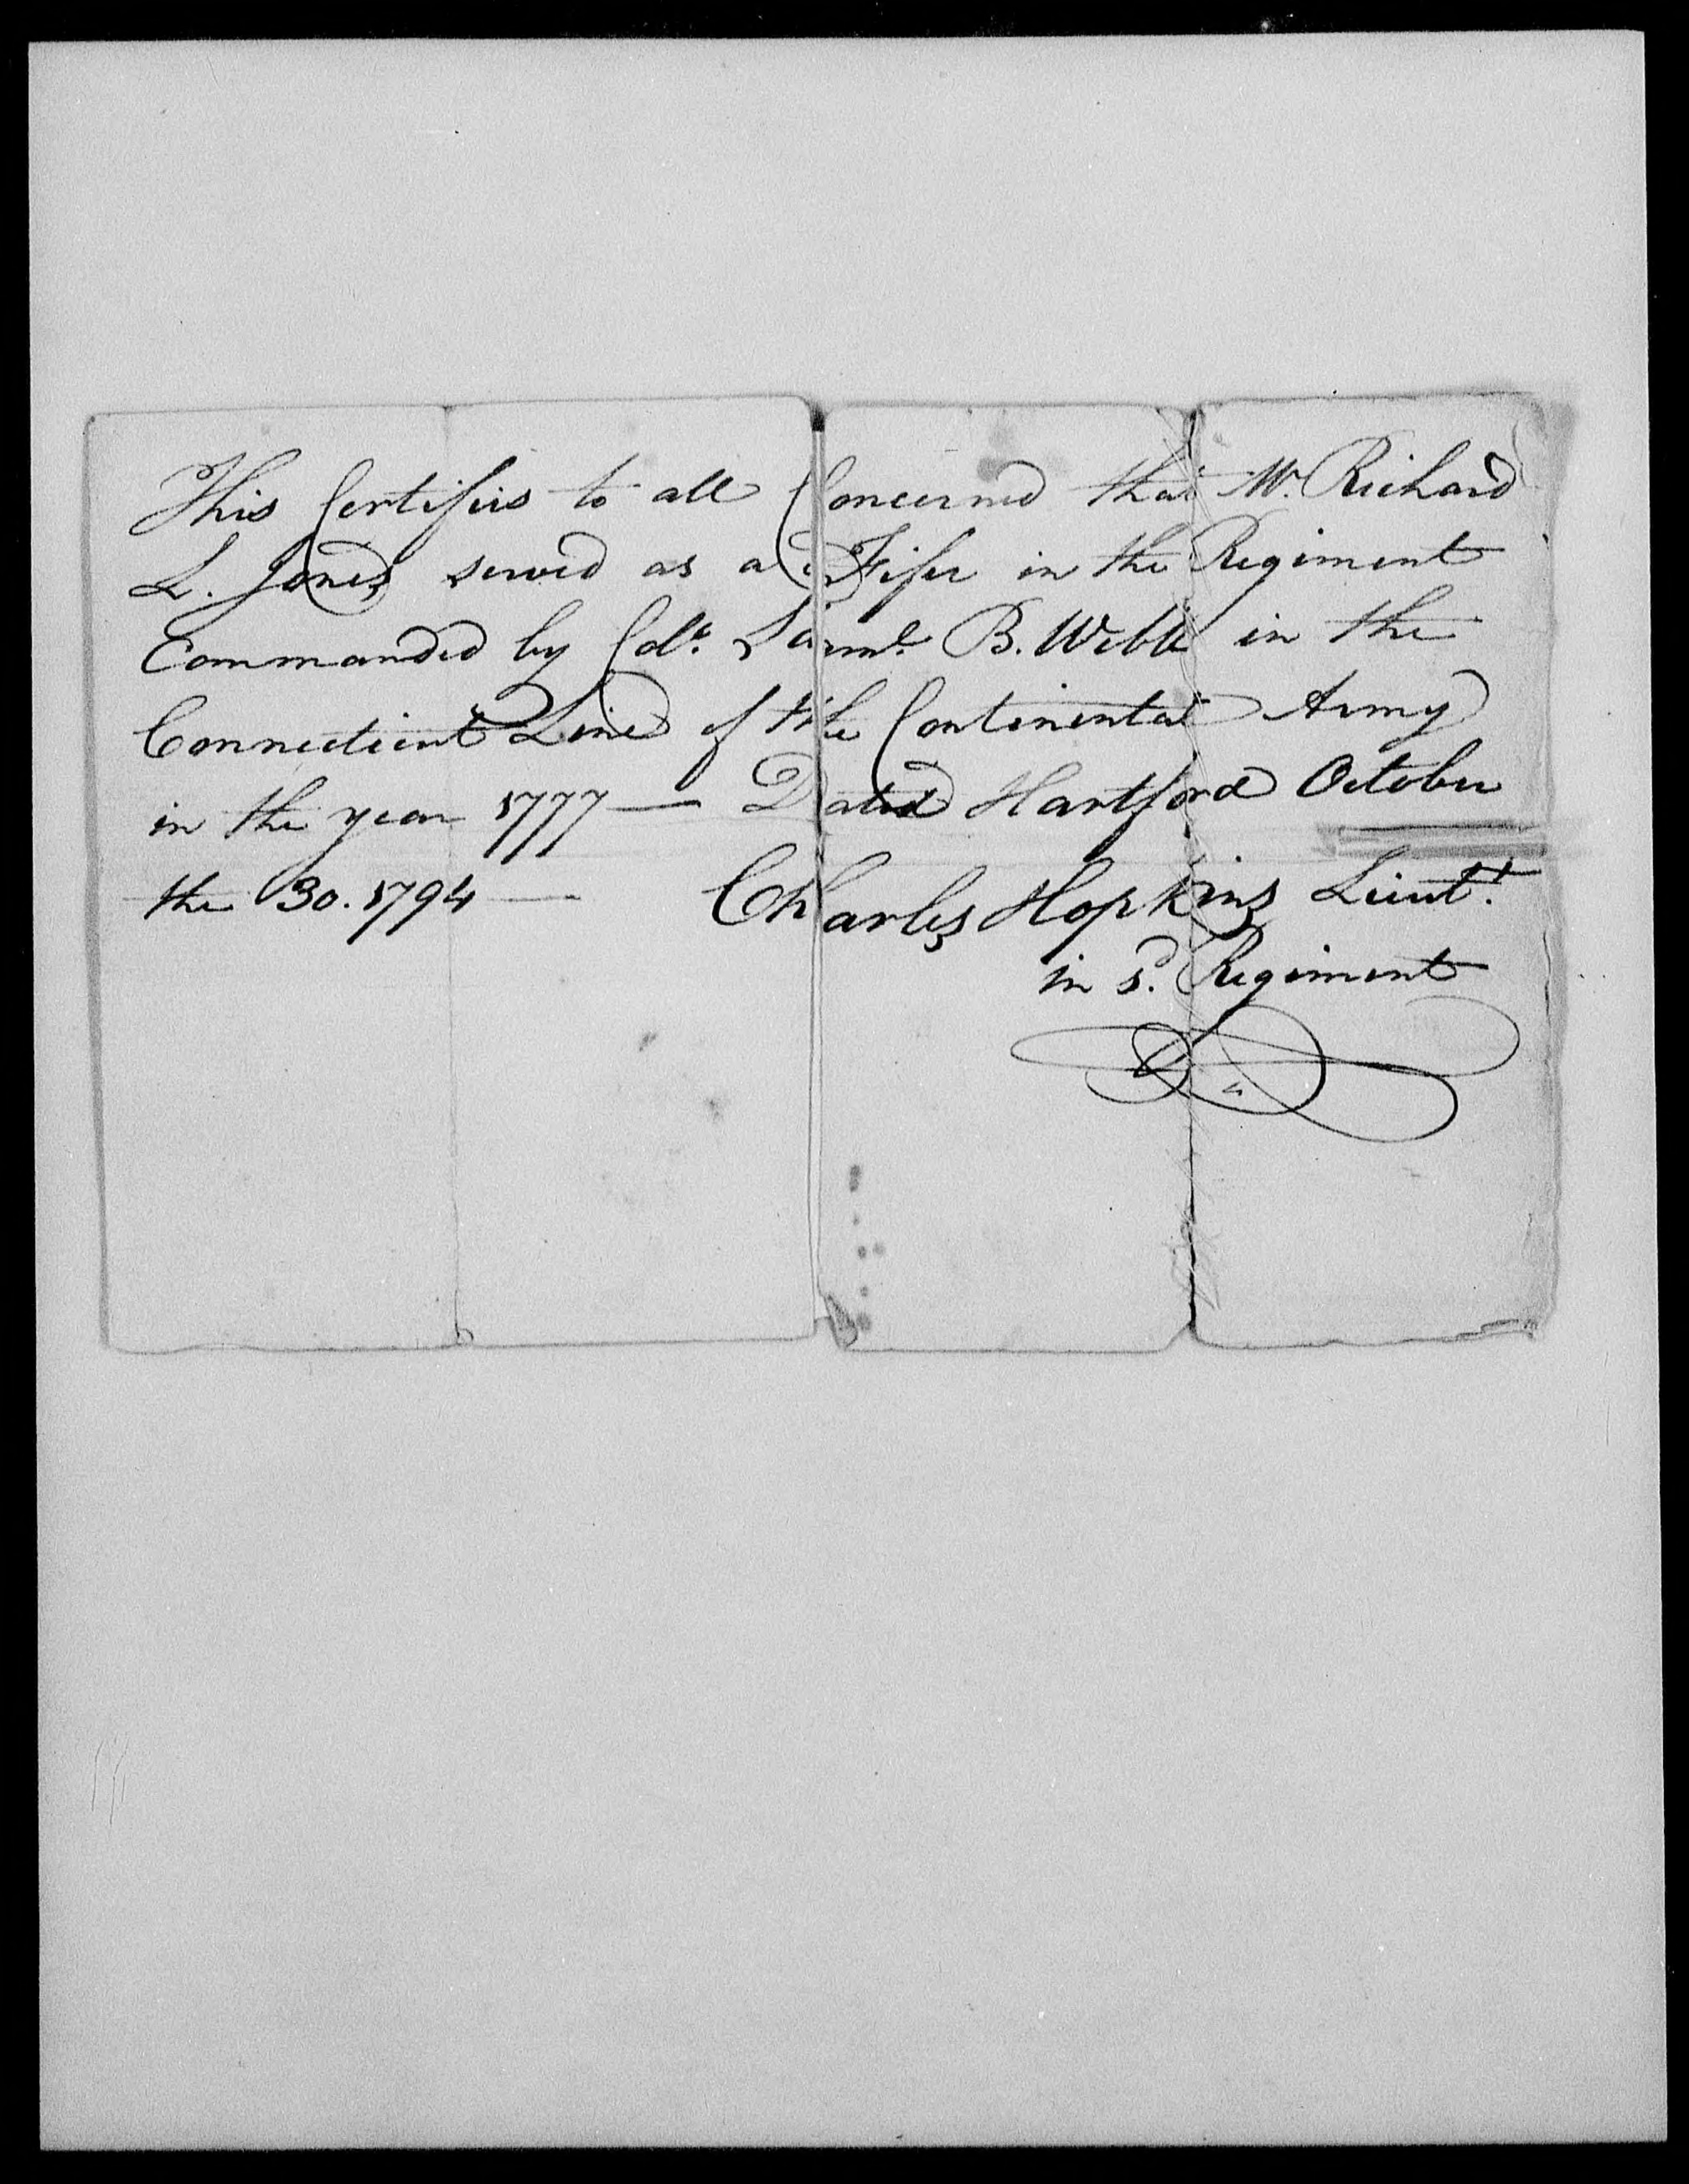This certifies to all concerned that Mr. Richard
Jones served as a Fifer in the Regiment
Commanded by Col. Saml B. Webb in the
Connecticut Line of the Continental Army,
in the year 1777

Dated Hartford October the 30. 1794-
Charles Hopkins
Lieut. in sd Regiment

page: 29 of 62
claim: widow's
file: W. 765, for Richard L Jones, Connecticut